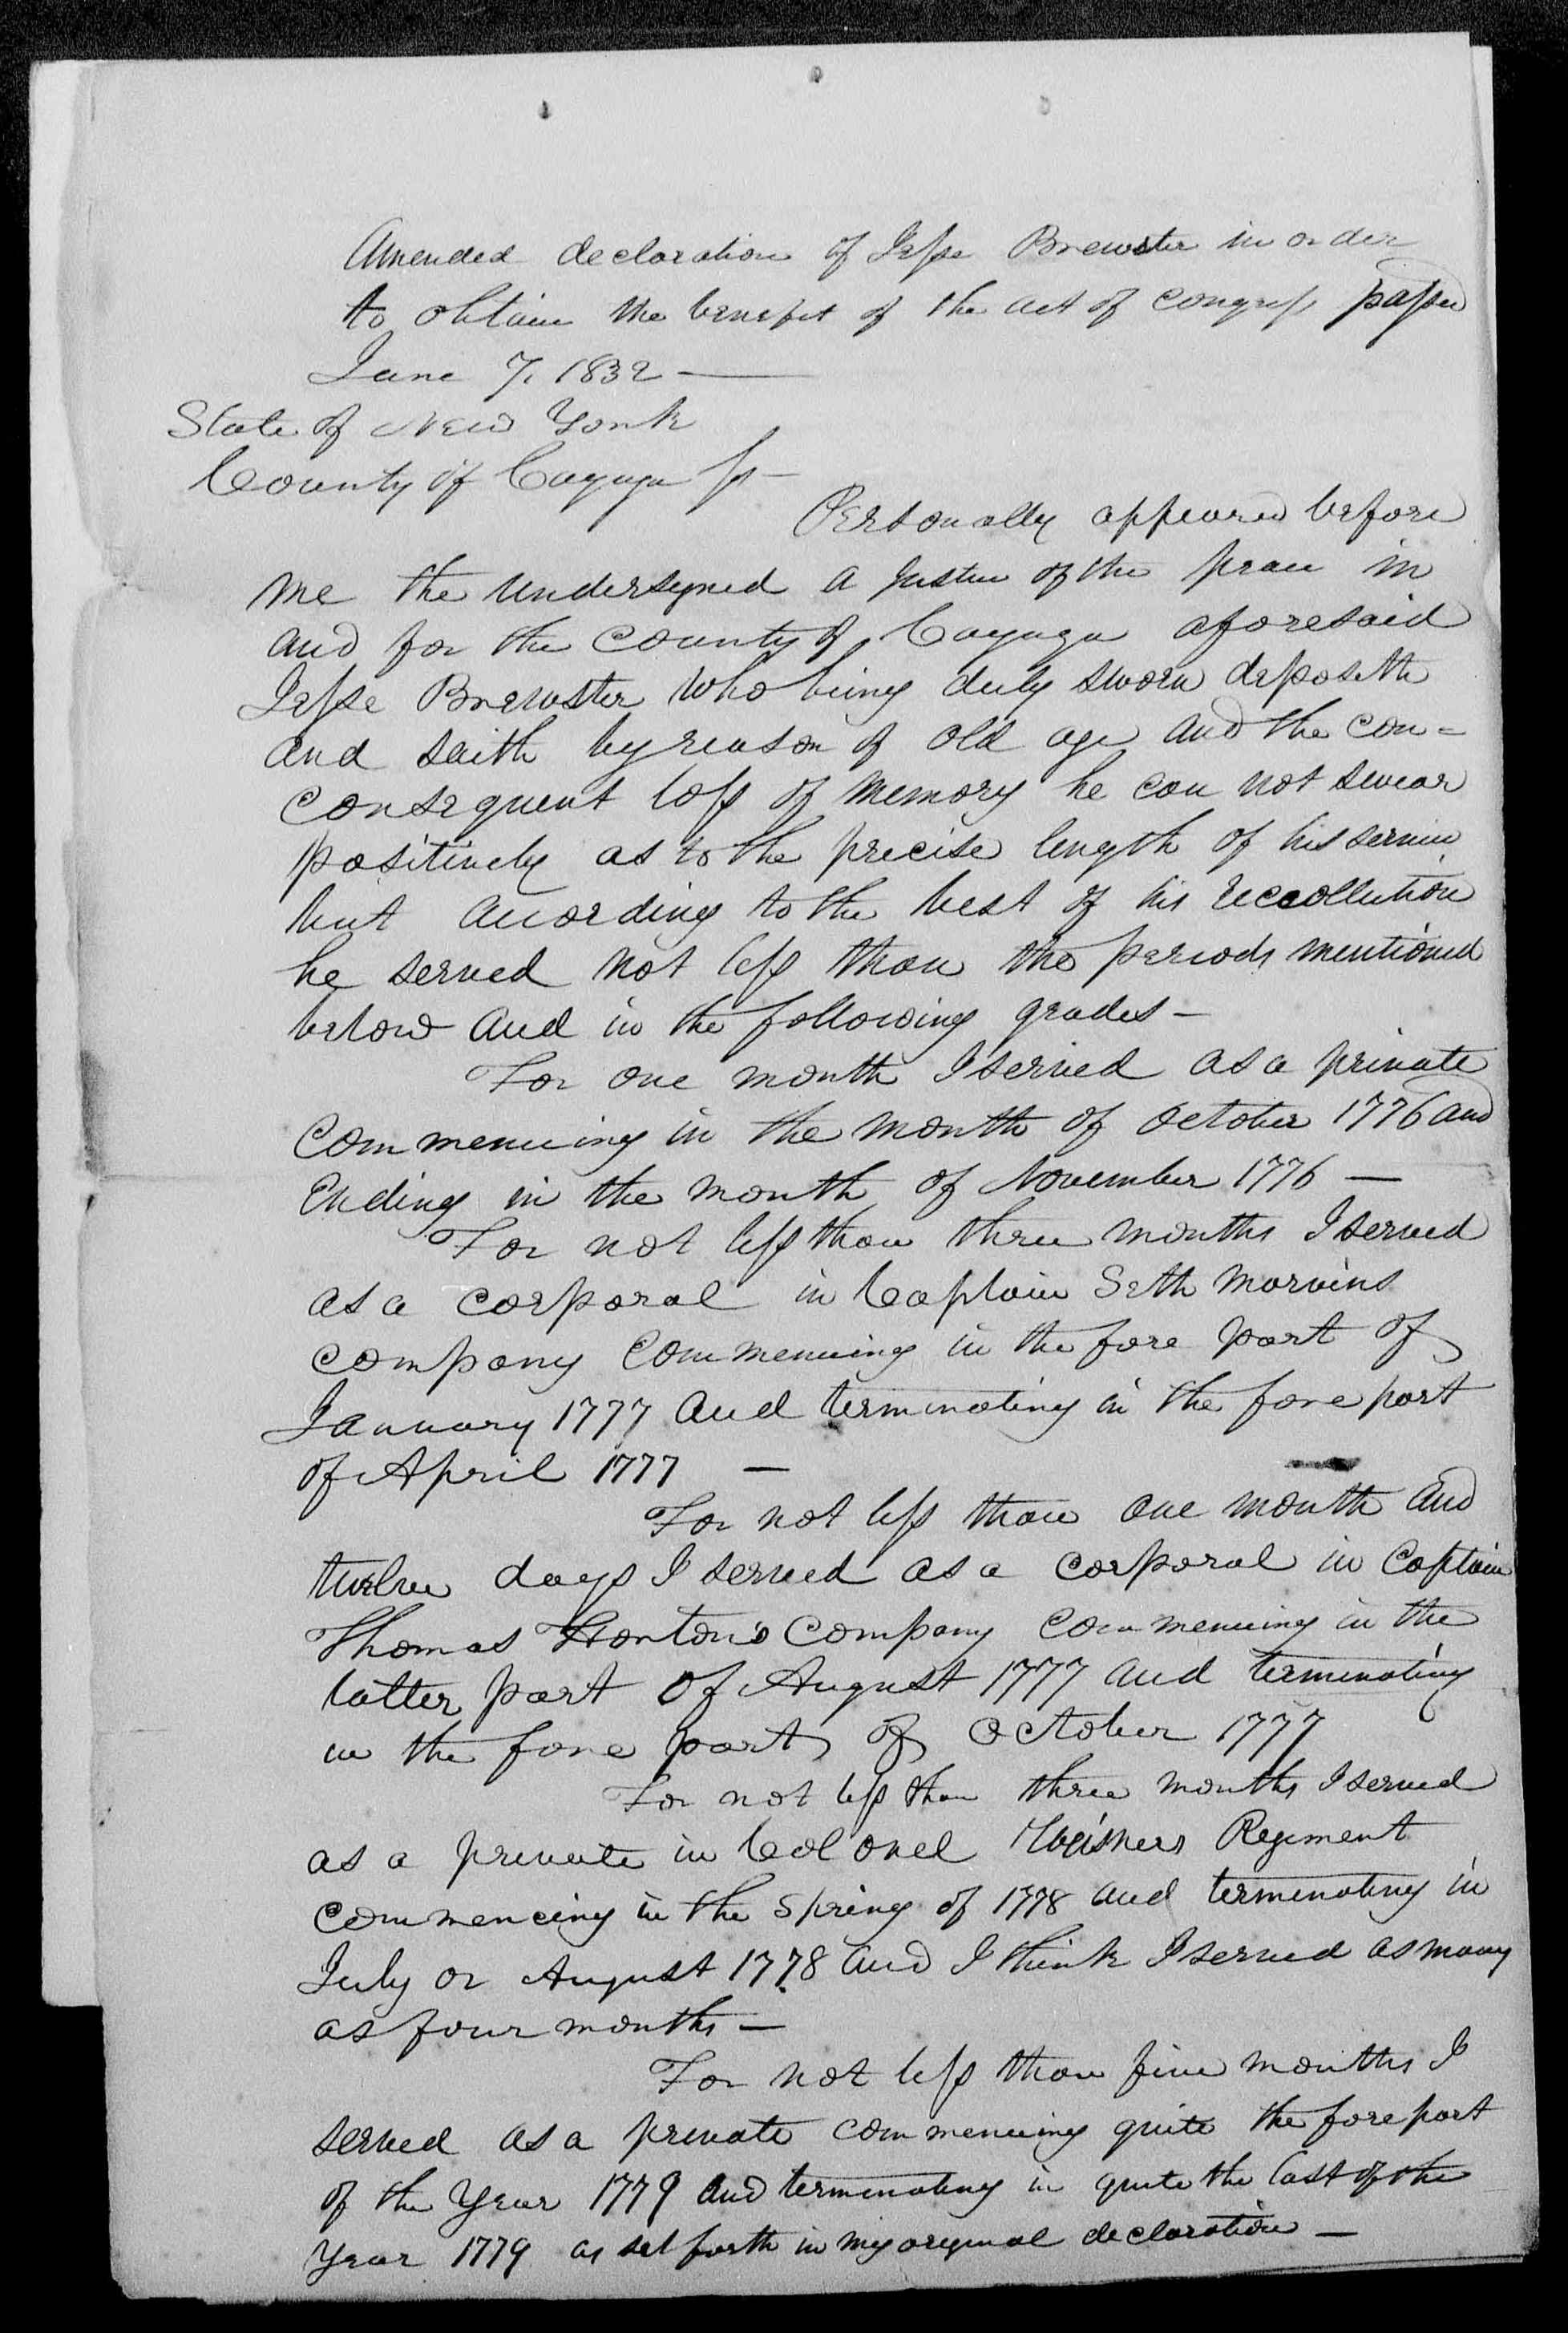Amended declaration of Jesse Brewster in order to obtain the benefit of the act of Congress paper June 7 1832
State of New York
County of Cayuga 
Personally appeared before me the undersigned a Justice of the peace in and for the county of Cayuga aforesaid Jesse Brewster who being duly sworn deposeth and saith by reason of old age and the consequent loss of memory he cannot swear positively as to the precise length of his service but according to the best of his recollection he served not less than three periods  mentioned below and in the following grades.
For one month I served as a private commencing in the month of October 1776 and ending in the month of November 1776.
For not less than three months I served as a corporal in Captain Seth Marvins company commencing in the fore part of January 1777 and terminating in the forepart of April 1777.
For not less than one month and twelve days I served as a corporal in Captain Thomas Horton's company commencing in the latter part of August 1777 and terminating in the fore part of October 1777.
For not less than three months I served as a private in Colonel Mariners Regiment commencing in the spring of 1778 and terminating in July or August 1778 and I think I served as many as four months.
  For not less than five months I served as a private commencing quite the forepart of the year 1779 and terminating in quite the last of the year 1779 as set forth in my original declaration.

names: Seth Marvin, Jesse Brewster, Jesse Brewster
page: 12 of 26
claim: survivor's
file: S. 12,291, Jesse Brewster, New York